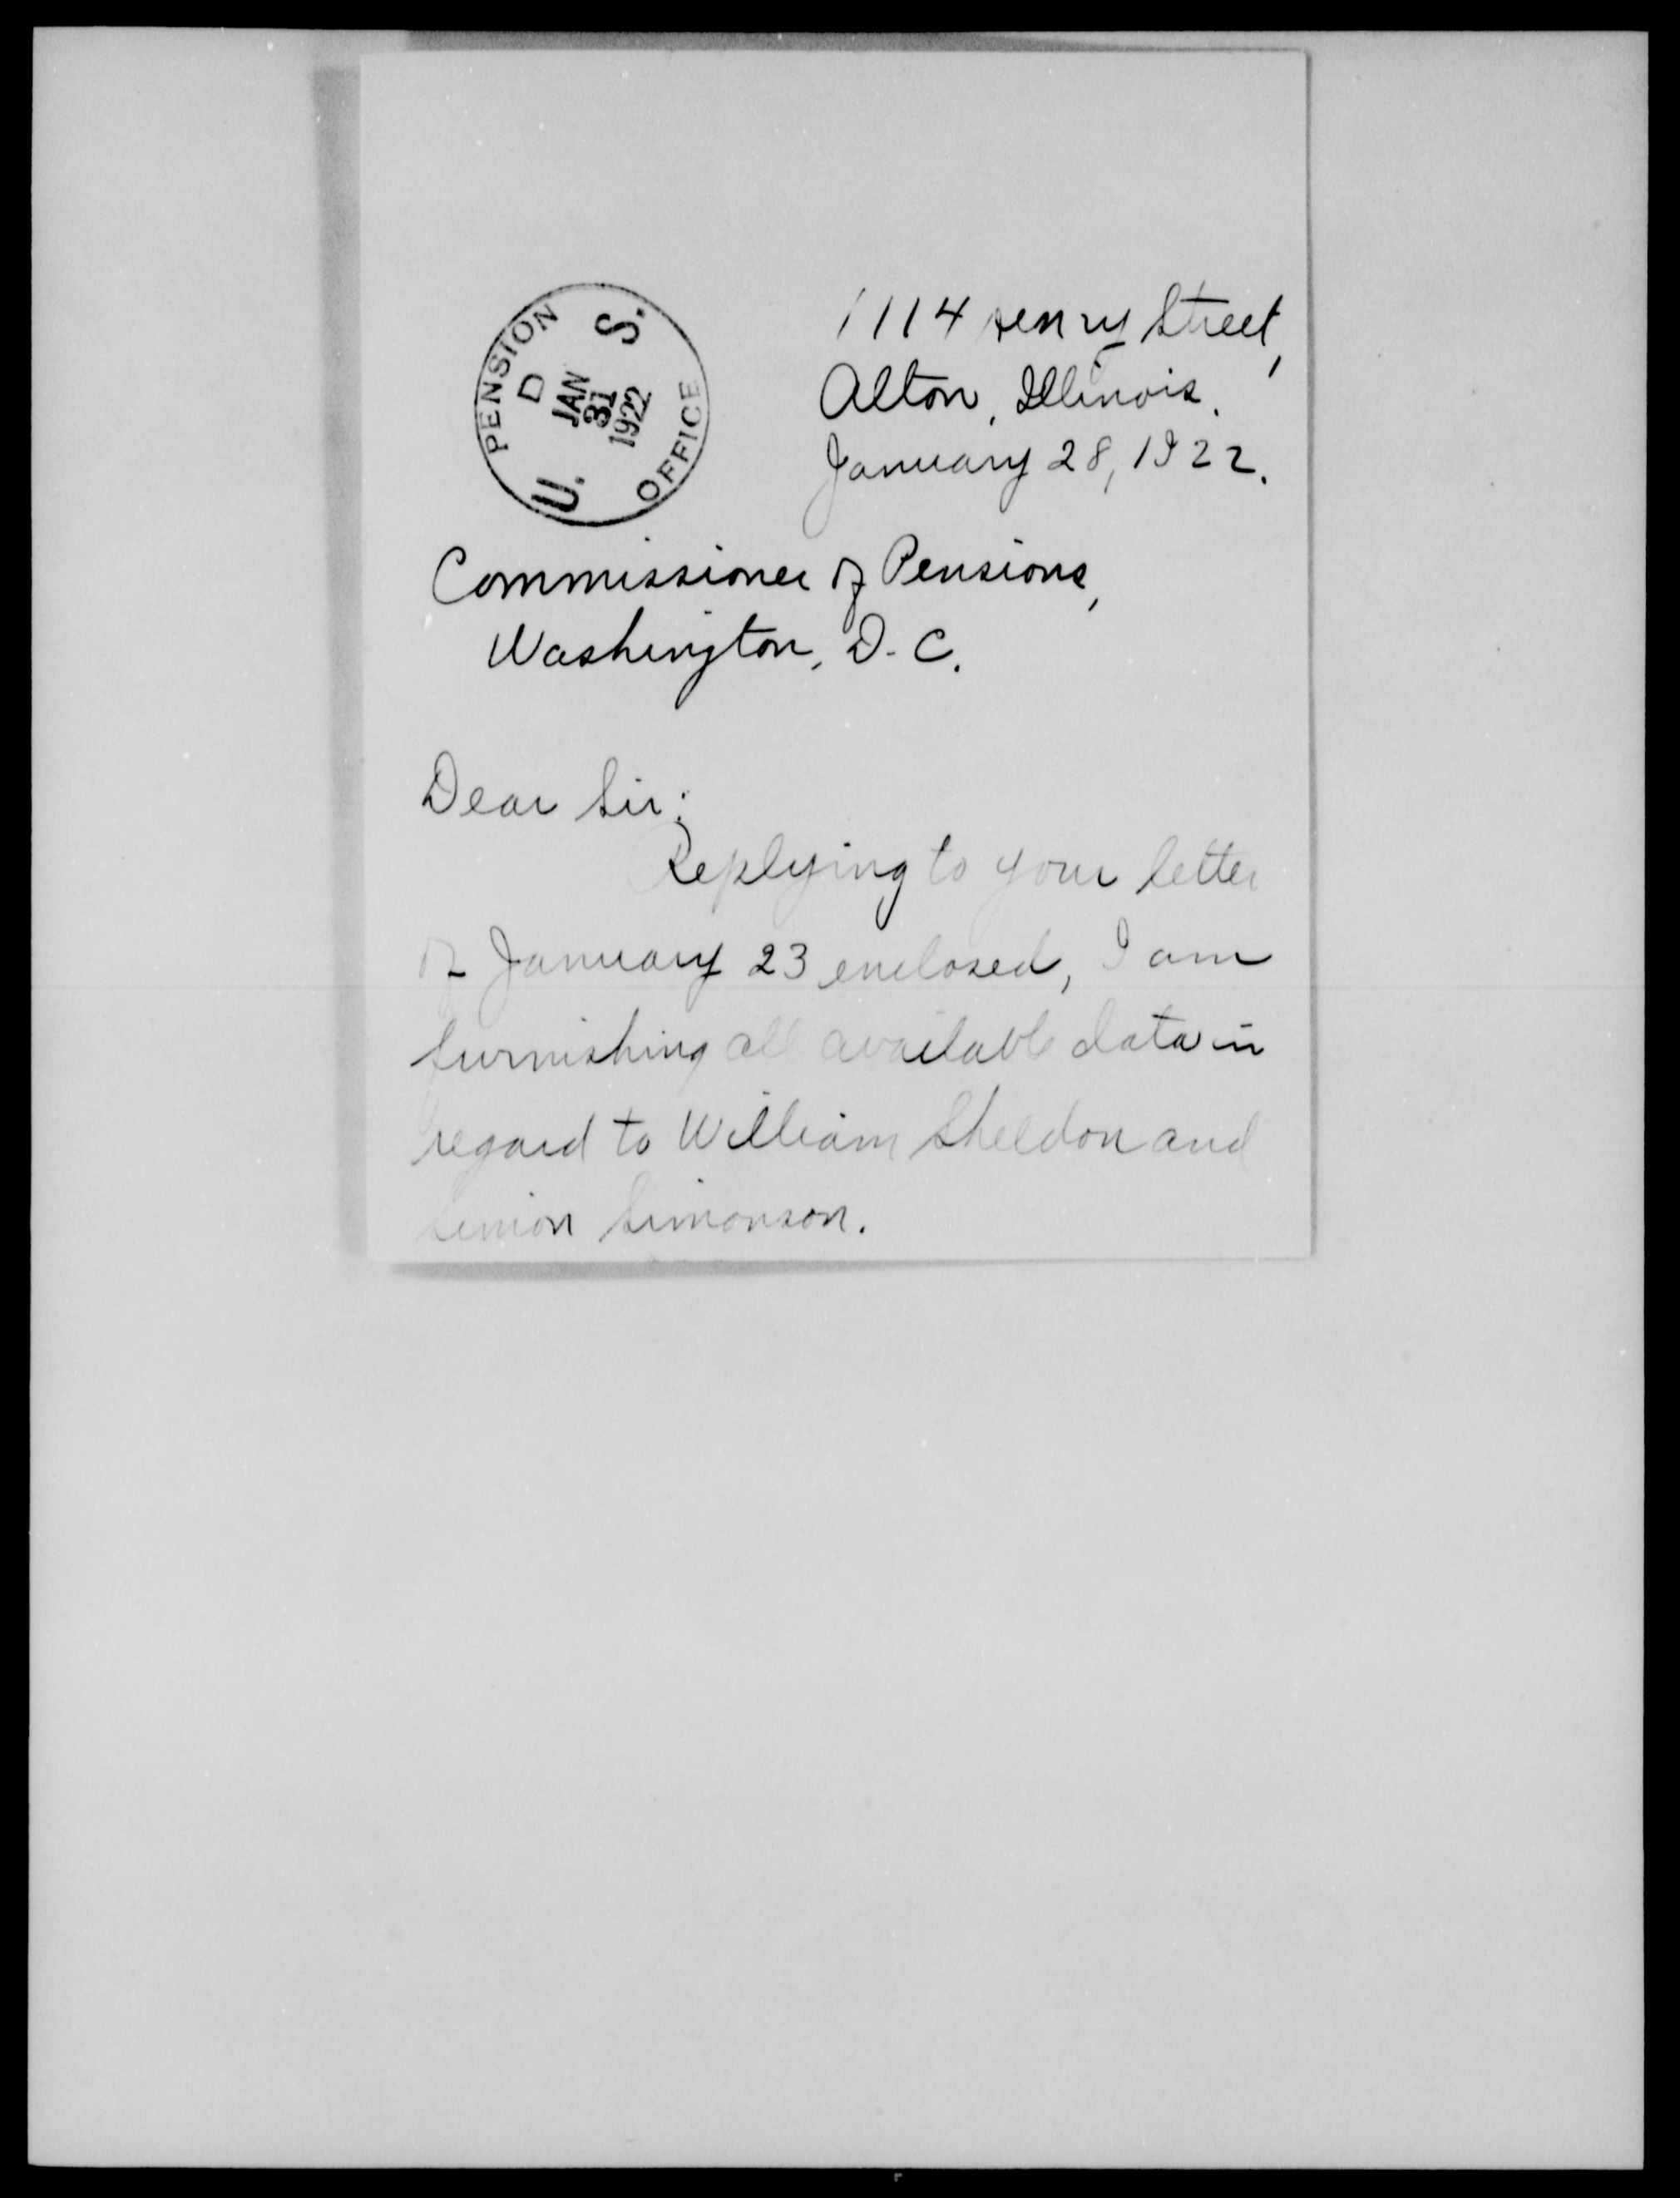[stamp:] U.S. PENSION OFFICE D JAN 31 1922

1114 Henry Street
Alton Illinois
January 28, 1822.

Commissioner of Pensions
Washington, D.C.

Dear Sir:

Replying to your letter of January 23 enclosed I am furnishing all available data in regard to William Sheldon and Simon Simonson.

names: Simon Simonson; William Sheldon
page: 12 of 30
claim: survivor's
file: S. 1104, for Simon Simonson, New Jersey